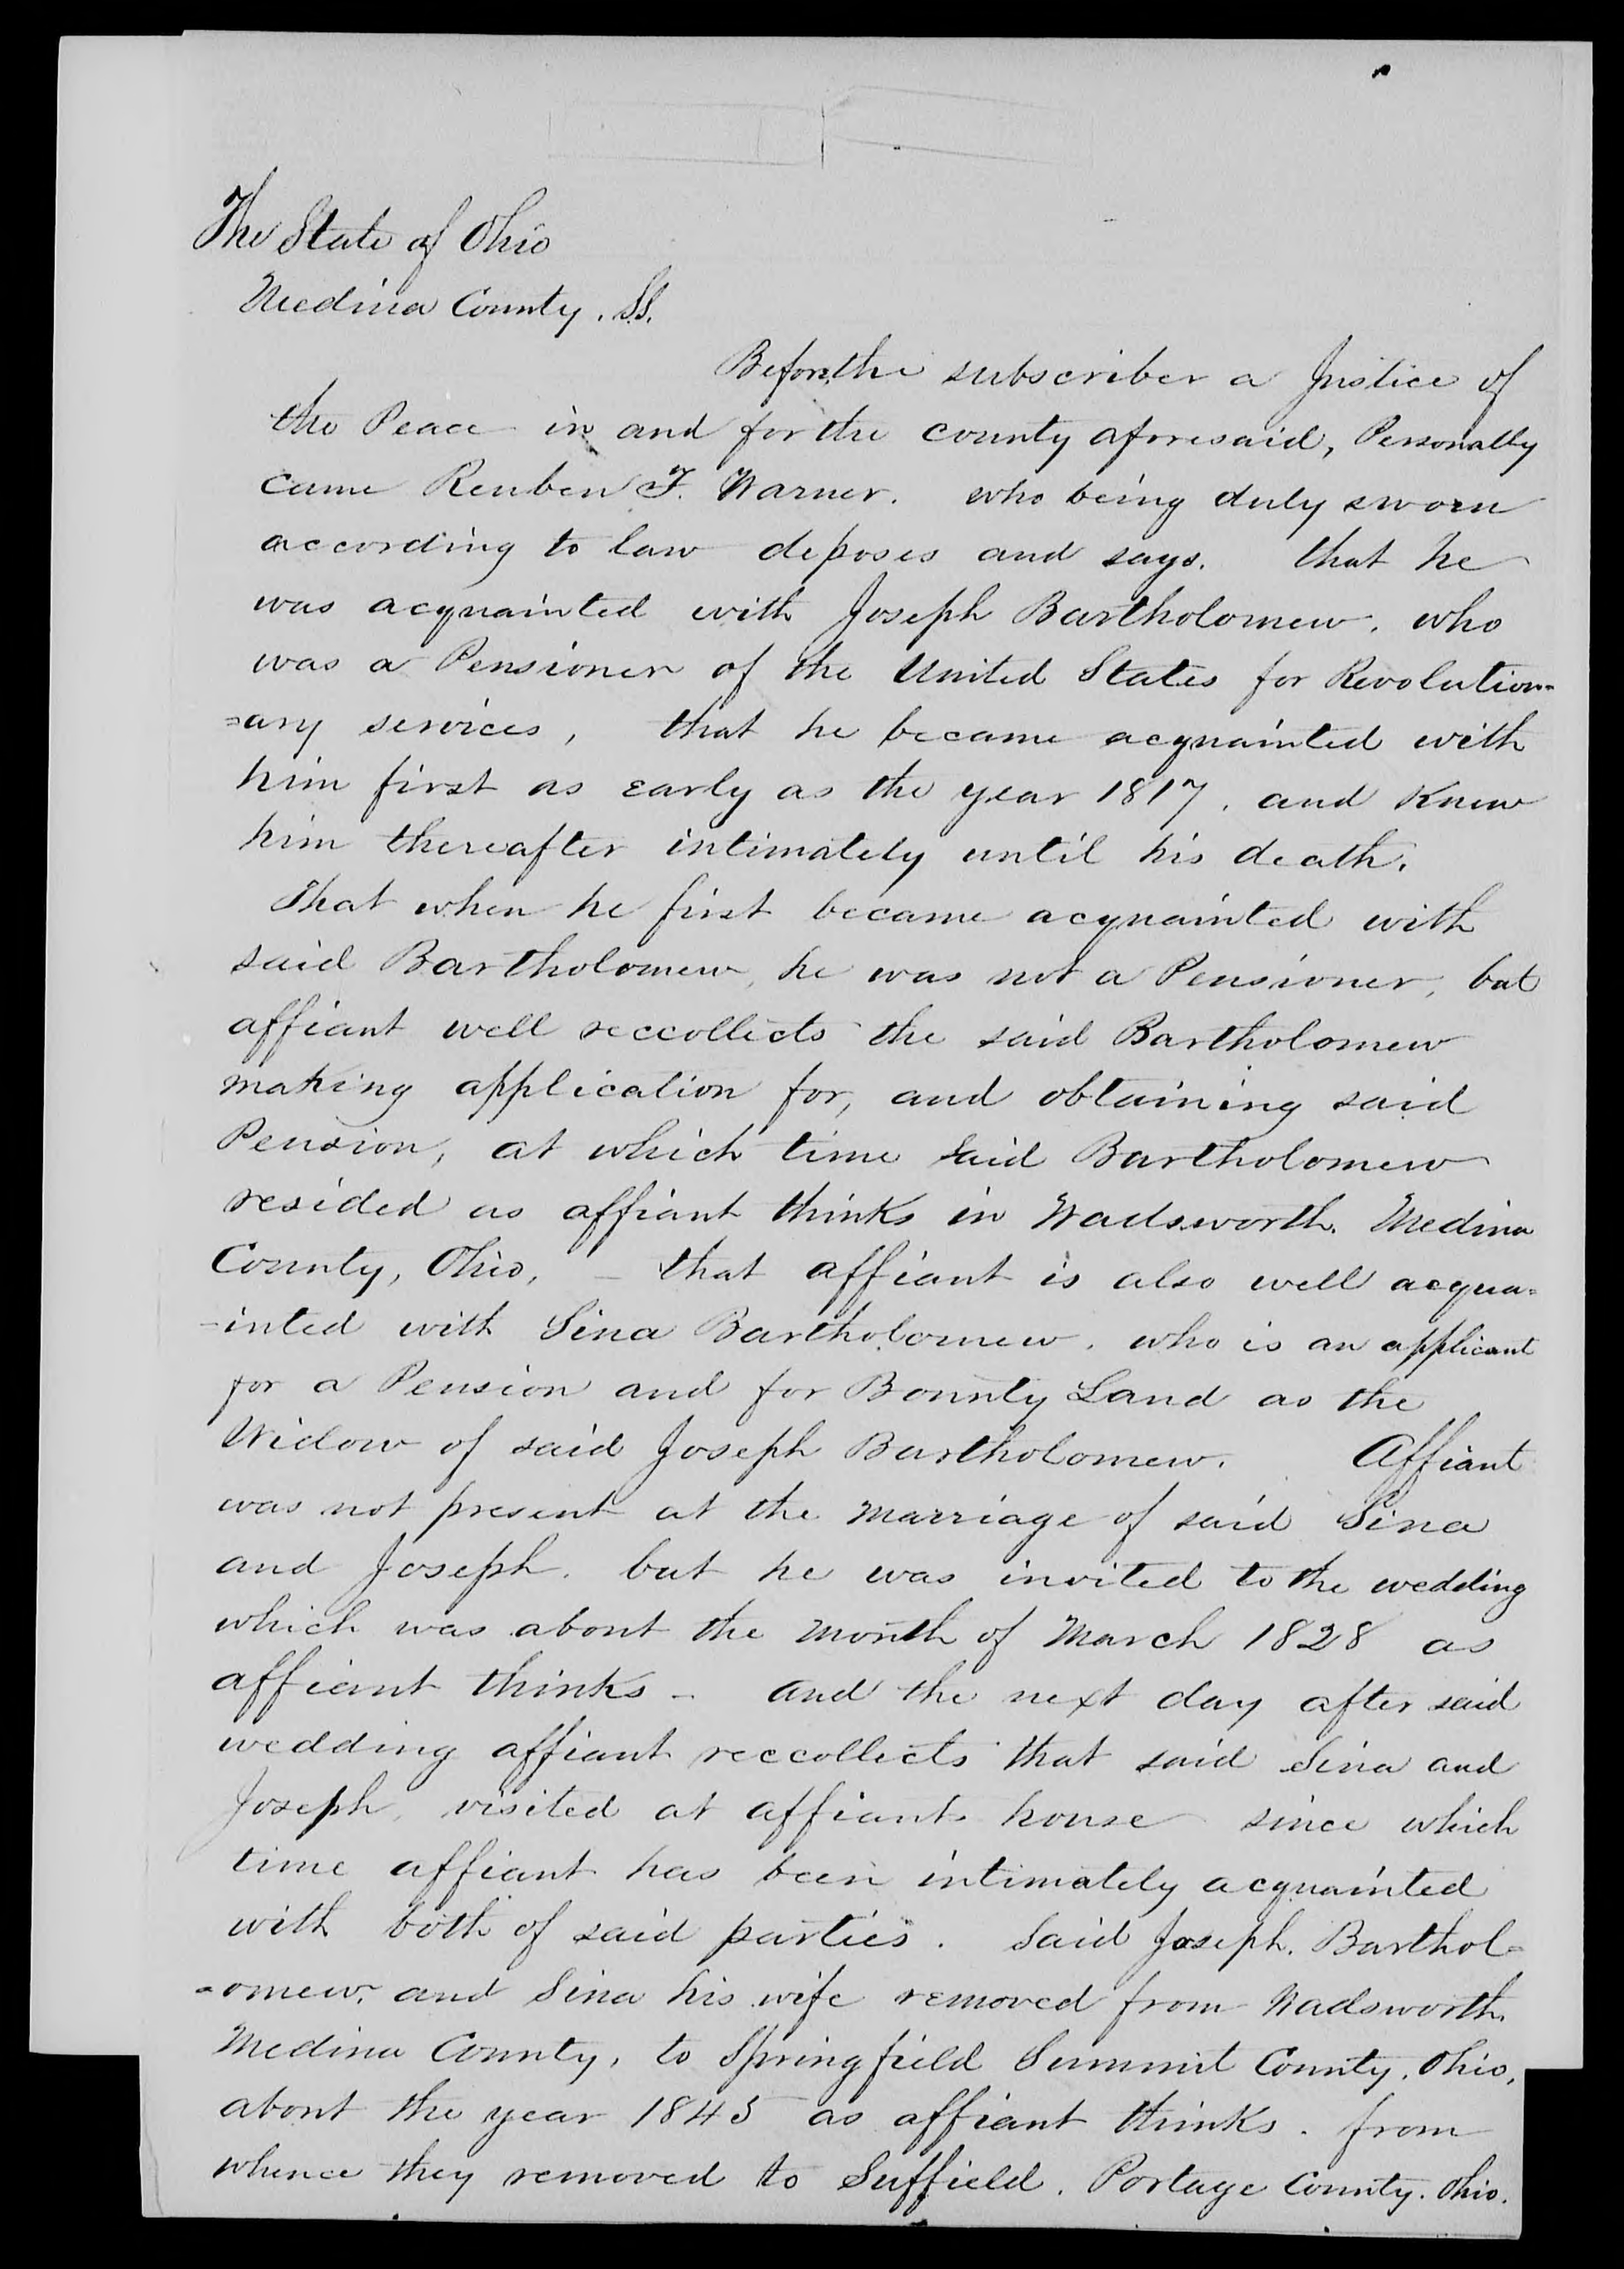The State of Ohio
Medina County, Ss.

Before the subscriber a Justice of the Peace in and for the County aforesaid, Personally
came Reuben F. Warner, who being duly sworn according to law deposes and says. that he was acquainted with Joseph Bartholomew, who was a Pensioner of the United States for Revolutionary services, that he became acquainted with him first as early as the year 1817, and knew him thereafter intimately until his death.  

That when he first became acquainted with
said Bartholomew, he was not a Pensioner, but affiant well recollects the said Bartholomew making application for, and obtaining said Pension, at which time said Bartholomew resided as affiant thinks in Wadsworth, Medina County, Ohio, - that affiant is also well acquainted with Sina Bartholomew, who is an applicant for a Pension and for Bounty Land as the
Widow of said Joseph Bartholomew.  Affiant
was not present at the marriage of said Sina 
and Joseph, but he was invited to the  wedding which was about the month of March 1828 as affiant thinks - and the next day after said wedding affiant recollects that said Sina and Joseph visited at affiants house since which time affiant has been intimately acquainted with both of said parties. Said Joseph Bartholomew and Sina his wife removed from Wadsworth Medina County, to Springfield Summit County, Ohio about the year 1845 as affiant thinks, from whence they removed to Suffield, Portage County, Ohio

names: Sina, Sina Bartholomew, Joseph, Joseph Bartholomew, Joseph Bartholomew, Bartholomew, Bartholomew, Joseph Bartholomew, Joseph, Bartholomew, Sina, Sina, Reuben F Warner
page: 34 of 76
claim: widow's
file: W. 9345, Joseph Bartholomew, Conn.